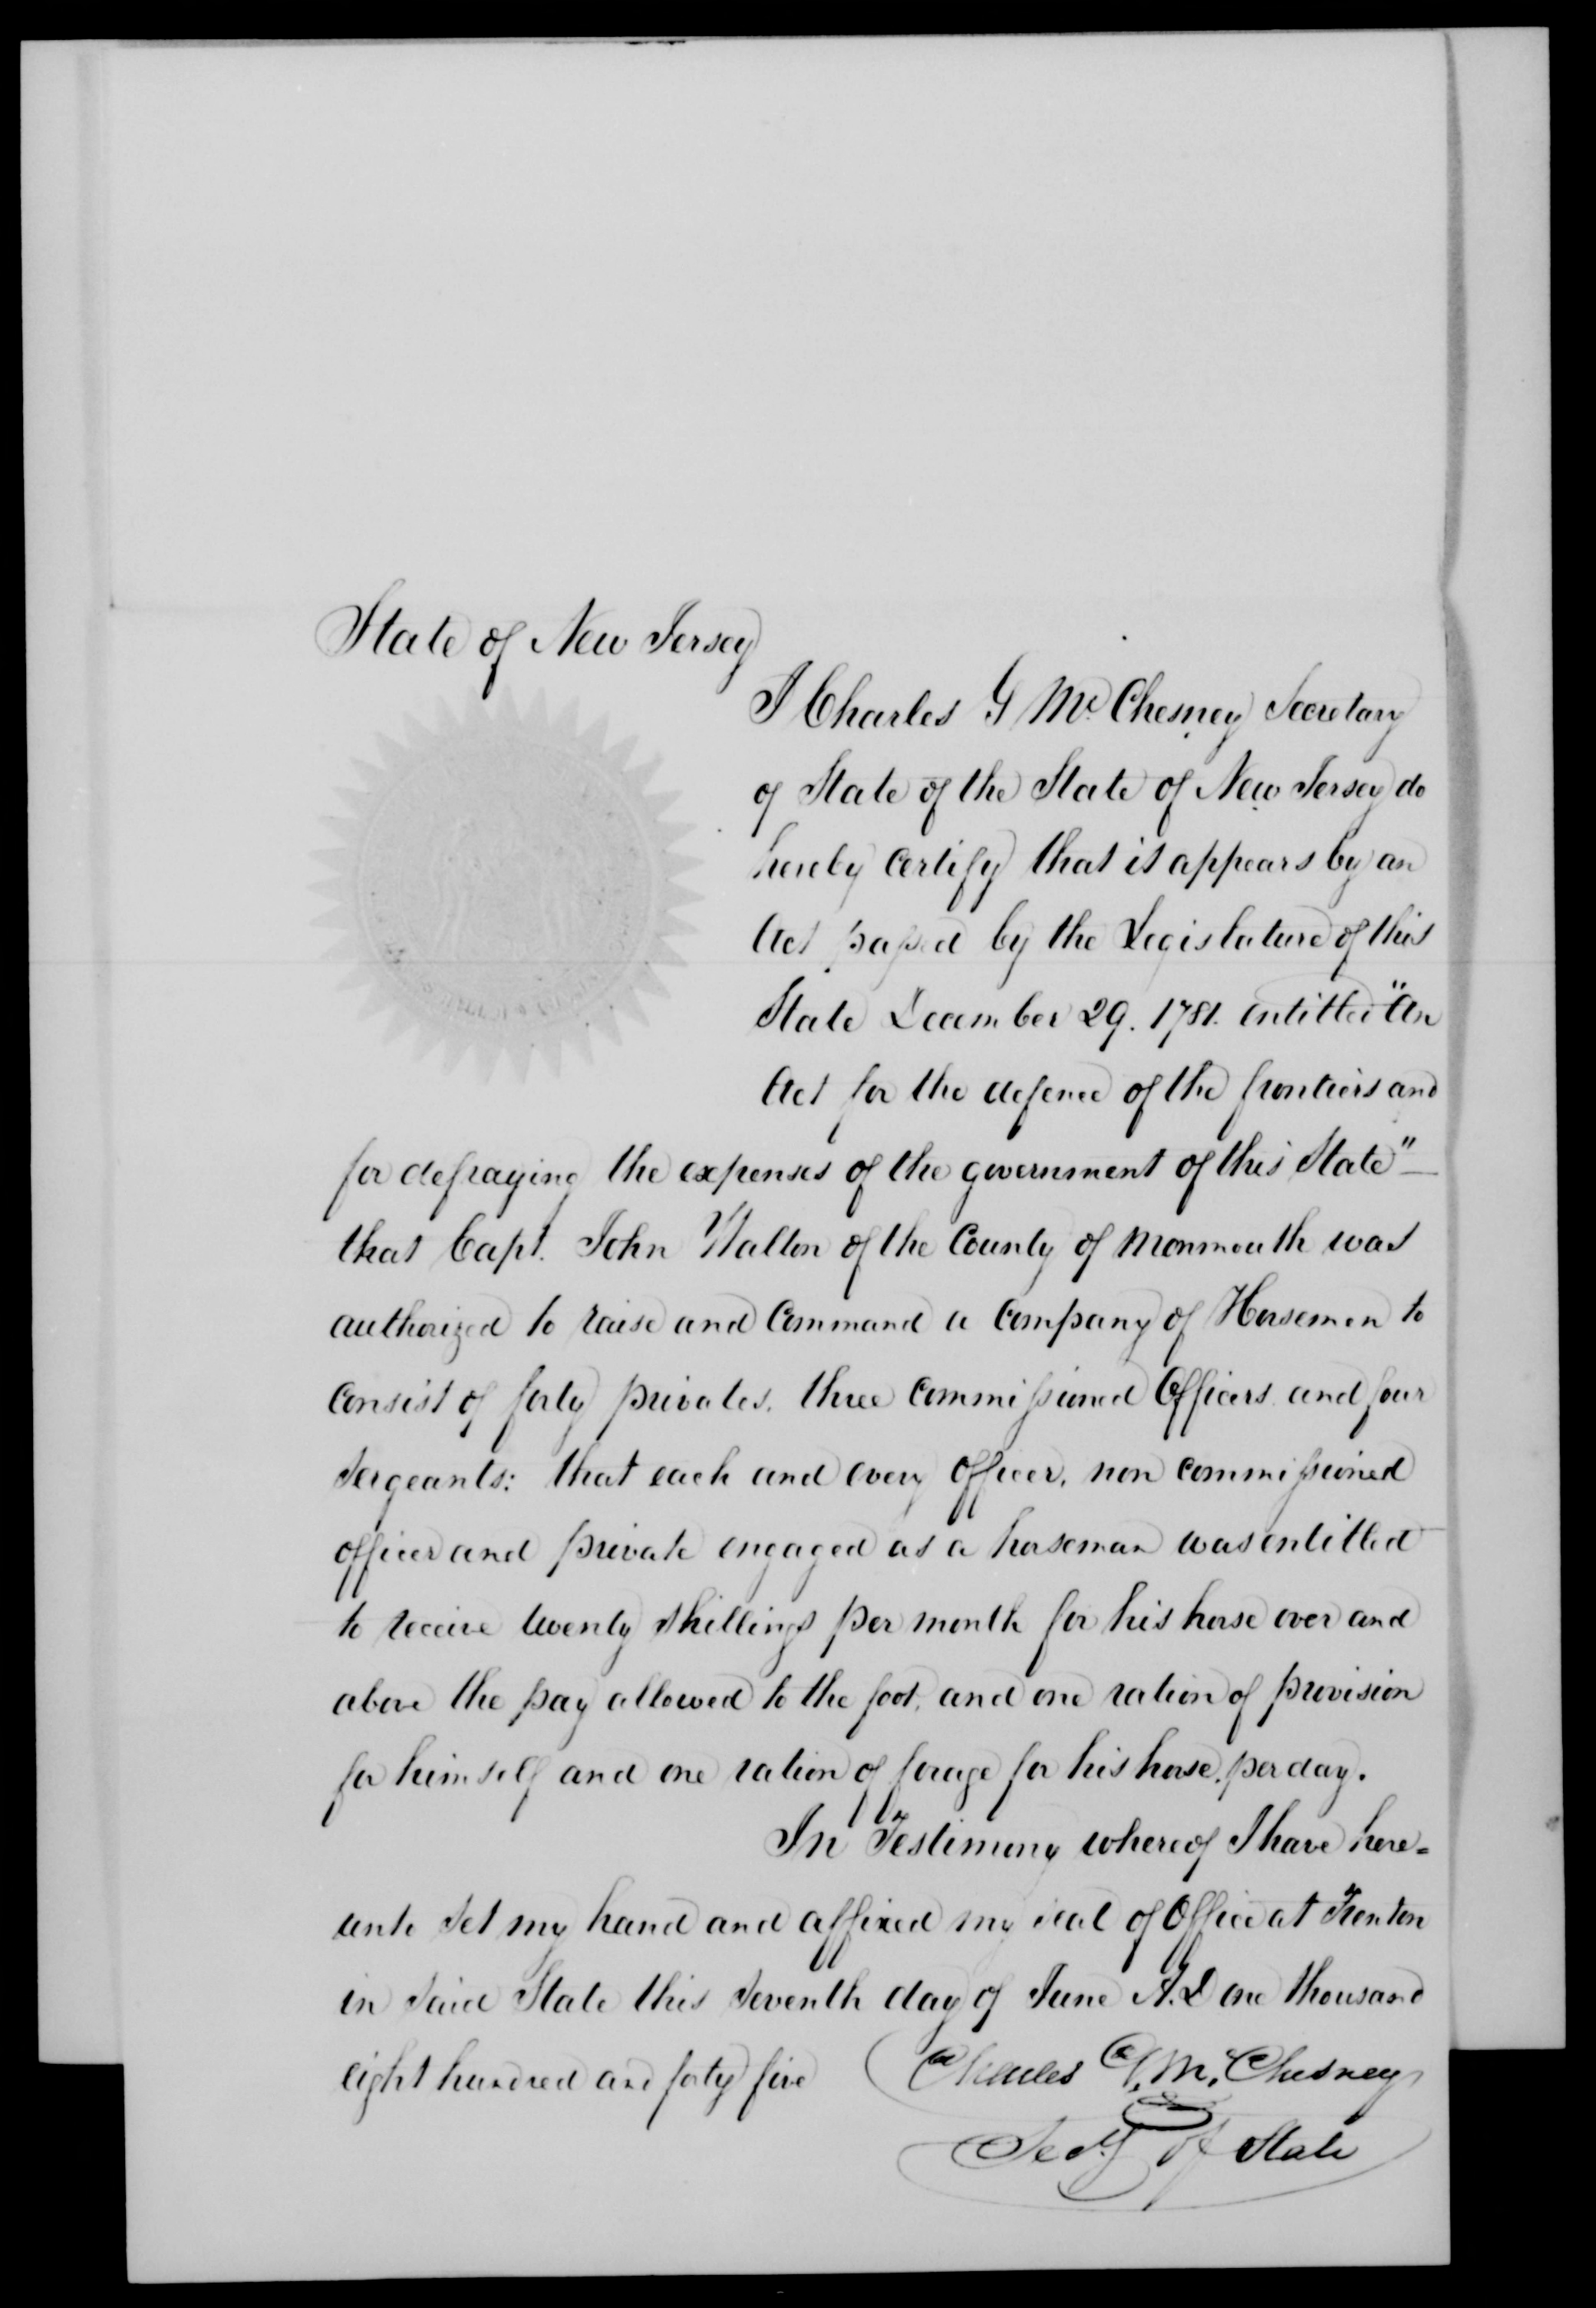State of New Jersey
I Charles G McChesney Secretary of State of the State of New Jersey do hereby certify that it appears by an Act passed by the Legislature of this State December 29, 1781 entitled "An Act for the defence of the frontiers and for defraying the expenses of the government of this State" - that Capt. John Walton of the County of Monmouth was authorized to raise and Command a Company of Horsemen to Consist of forty privates, three Commissioned Officers and four Sergeants: that each and every Officer, non Commissioned officers and private engaged as a horseman was entitled to receive twenty shillings per month for his horse over and above the pay allowed to the foot, and one ration of provision for himself and one ration of forage for his horse, per day.
In Testimony whereof I have hereunto set my hand and affixed my seal of Office at Trenton in Said State this Seventy day of June A.D. one thousand eight hundred and forty five. Charles G. McChesney
Secy of State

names: Charles G Mc Chesney; John Walton; Charles G Mc Chesney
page: 25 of 33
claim: survivor's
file: S. 4,841, for James Sickles, New Jersey